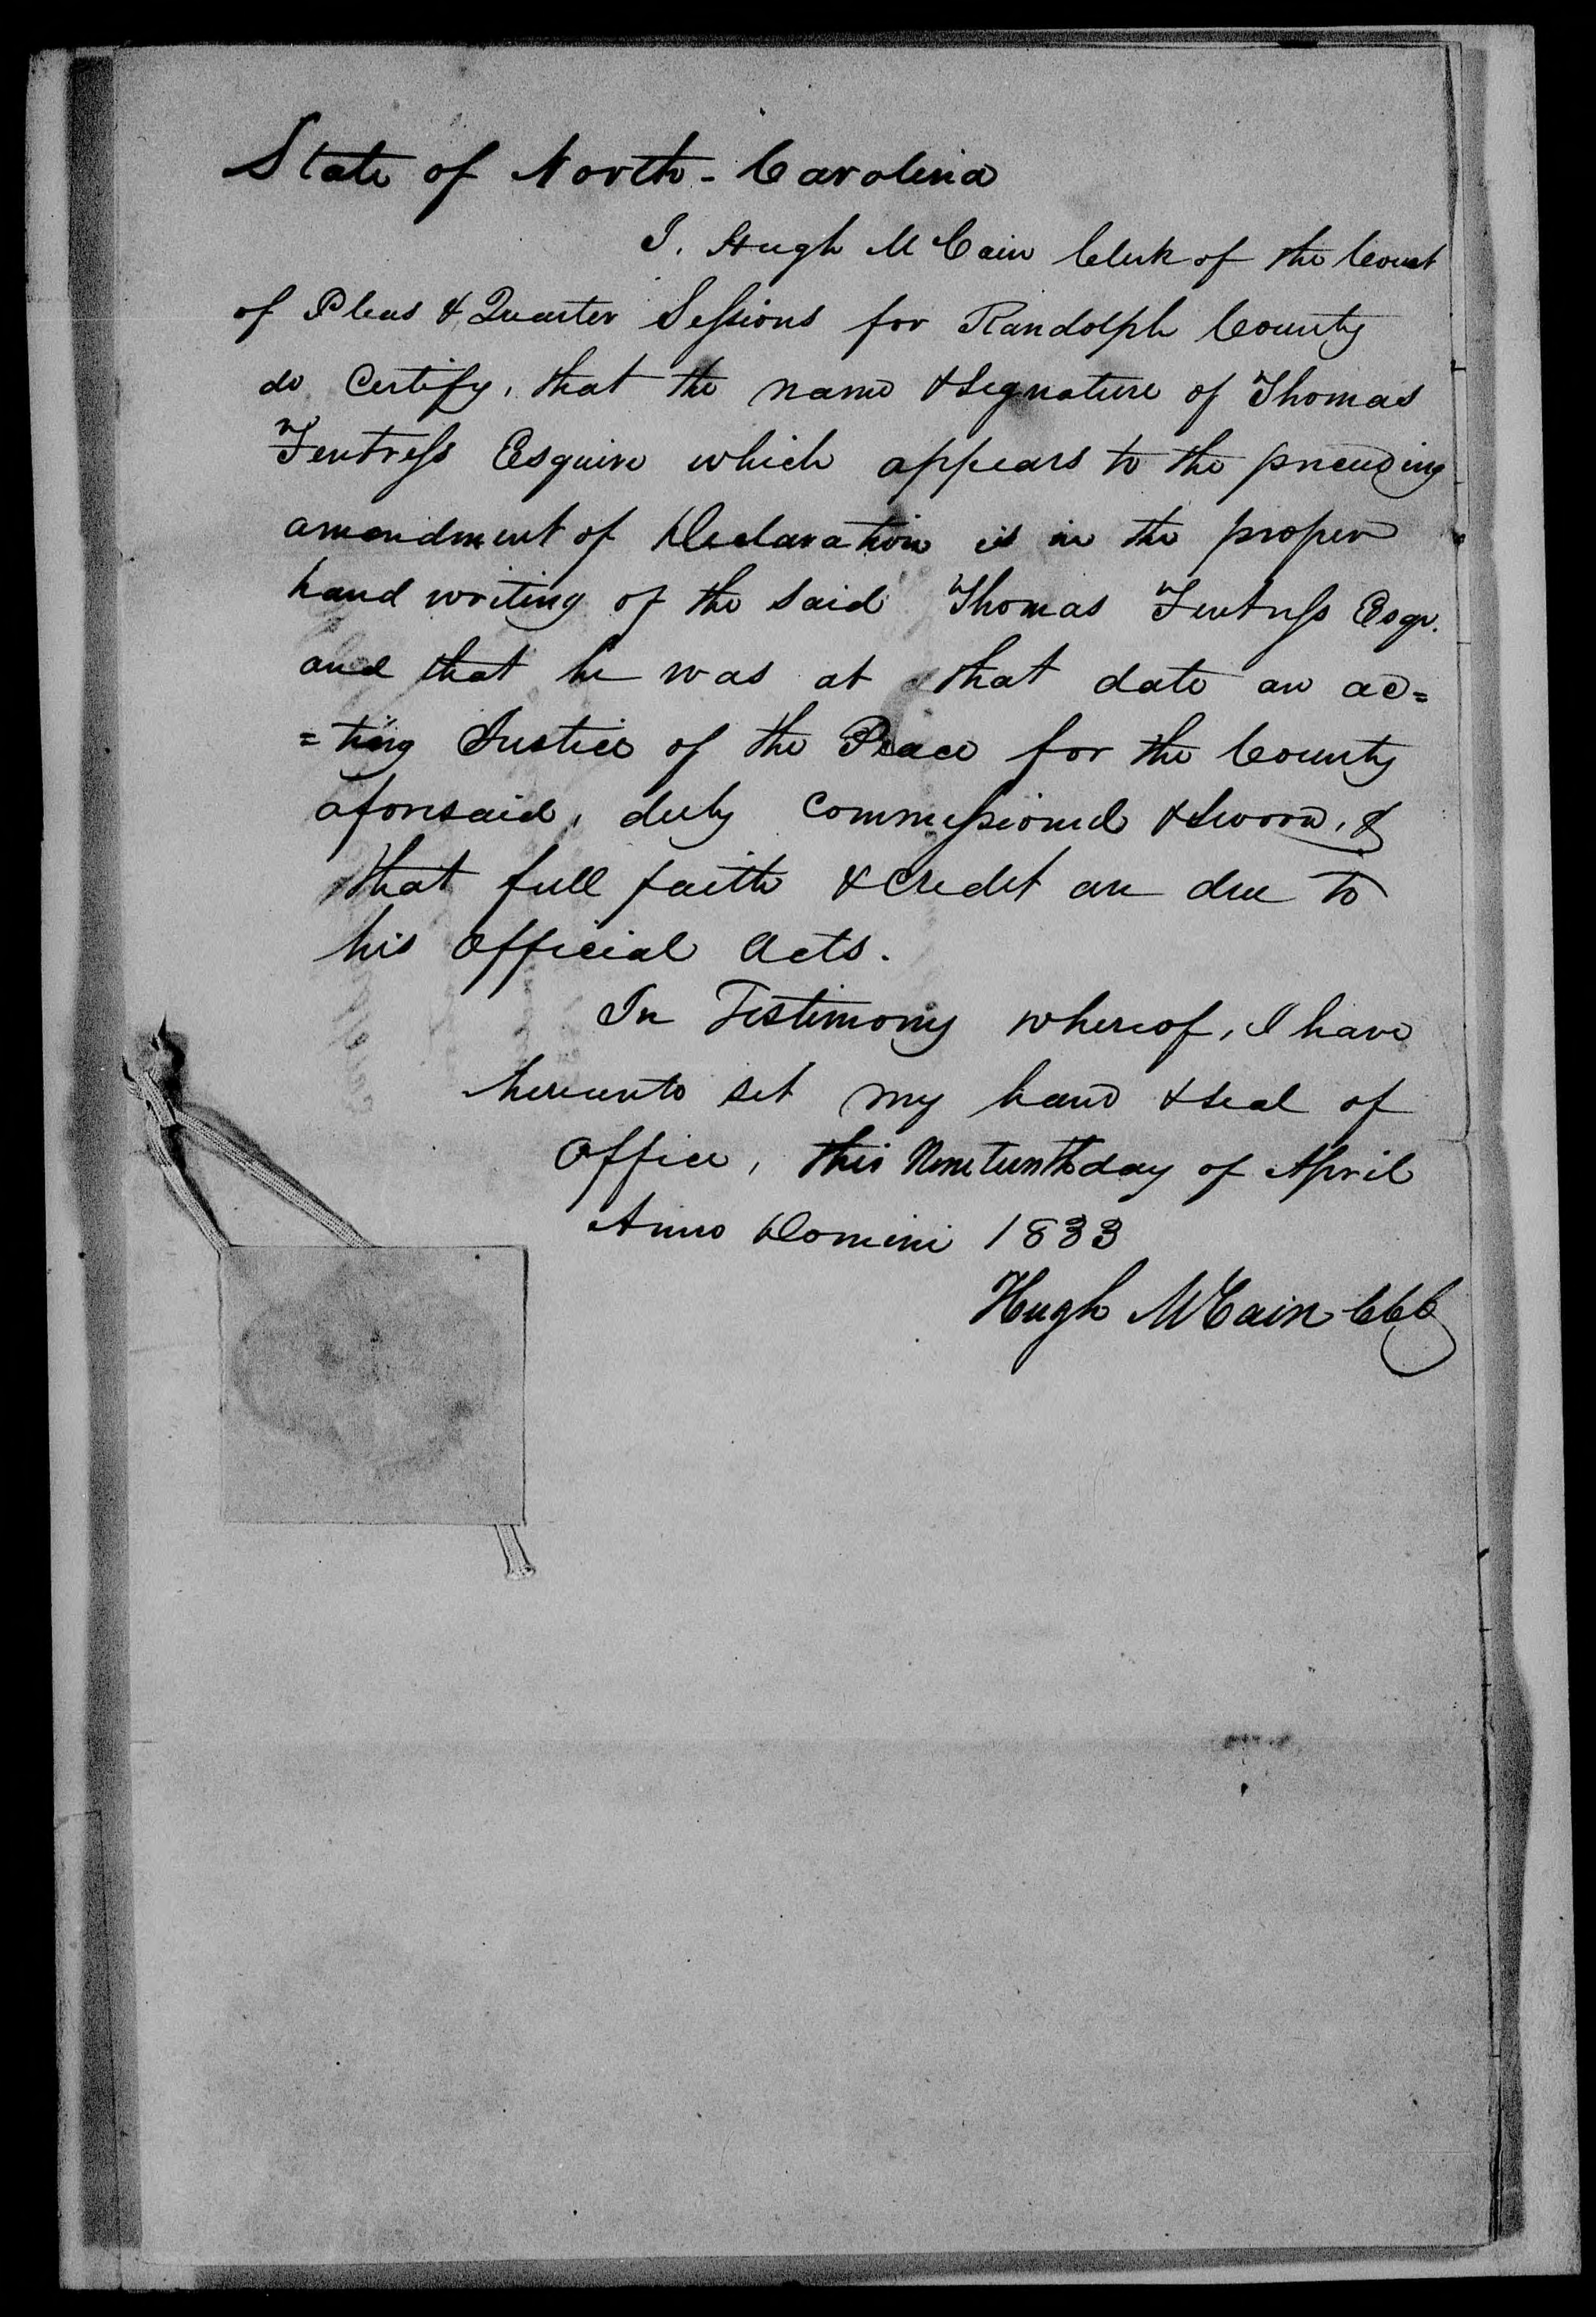State of North Carolina 
I, Hugh McCain Clerk of the Court Pleas & Quarter Sessions for Randolph County do certify, that the name & signature of Thomas Fentress Esquire which appears to the preceding amendment of Declaration is in the proper hand writing of the said Thomas Fentress Esqr. [Esquire] and that he was at that date an acting Justice of the Peace for the County aforesaid, duly commissioned & sworn, & that full faith & credit are due to his official acts. 
In Testimony whereof, I have hereunto set my hand & seal of Office, this Nineteenth day of April Anno Domini 1833 
Hugh McCain CCC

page: 16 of 41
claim: widow's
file: W. 5033, for Joseph Johnston, North Carolina